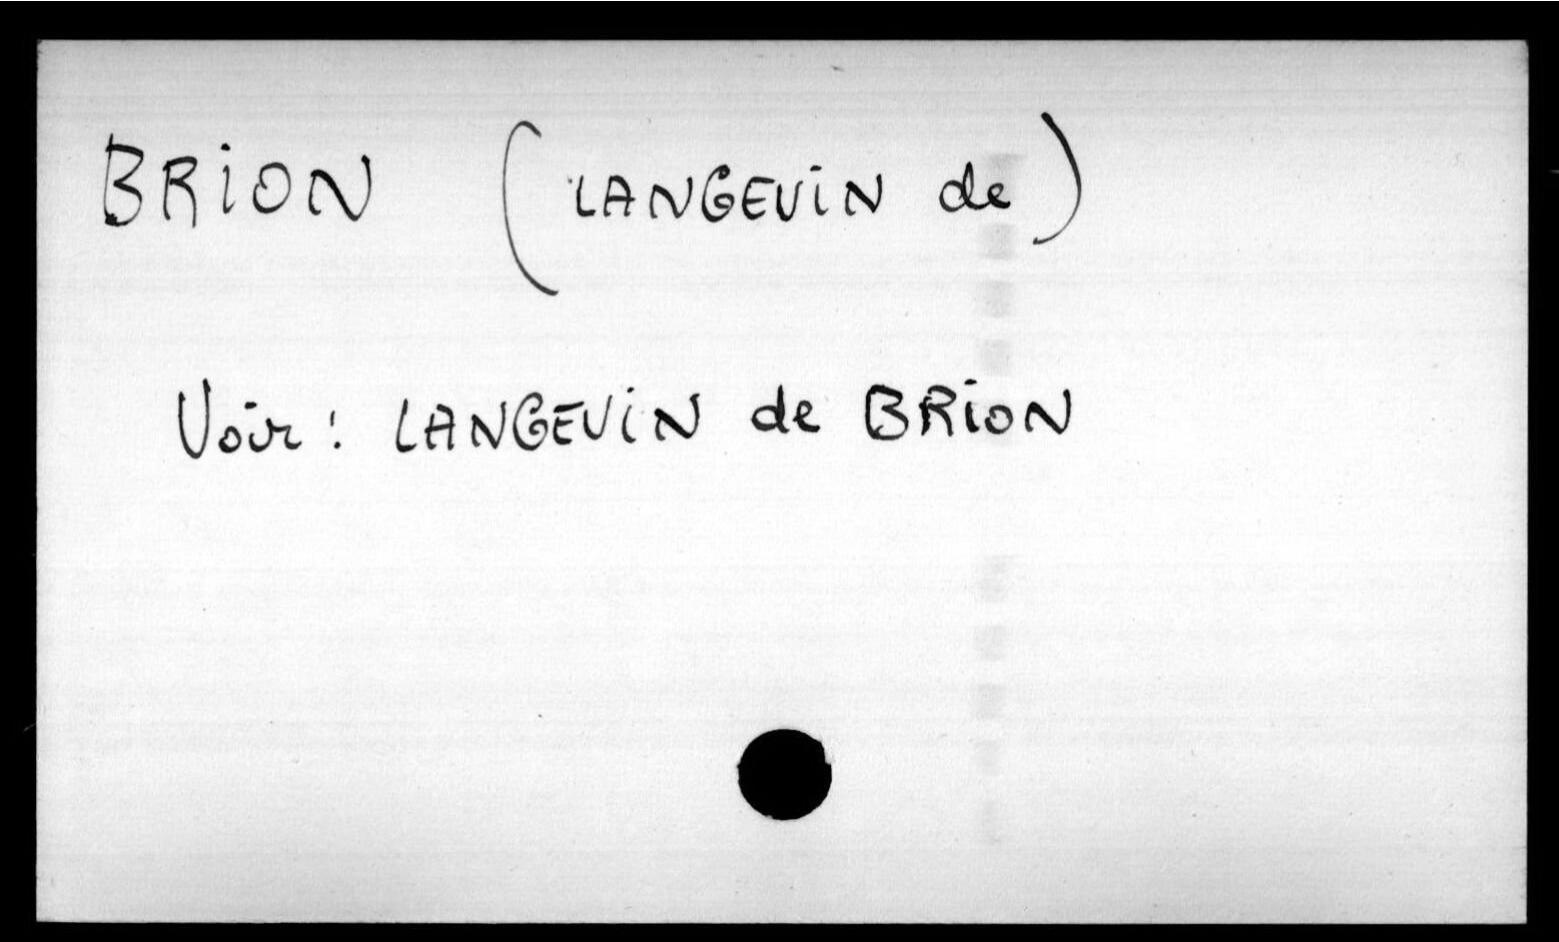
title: BRION (LANGEVIN de)
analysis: Voir : LANGEVIN de BRiON
